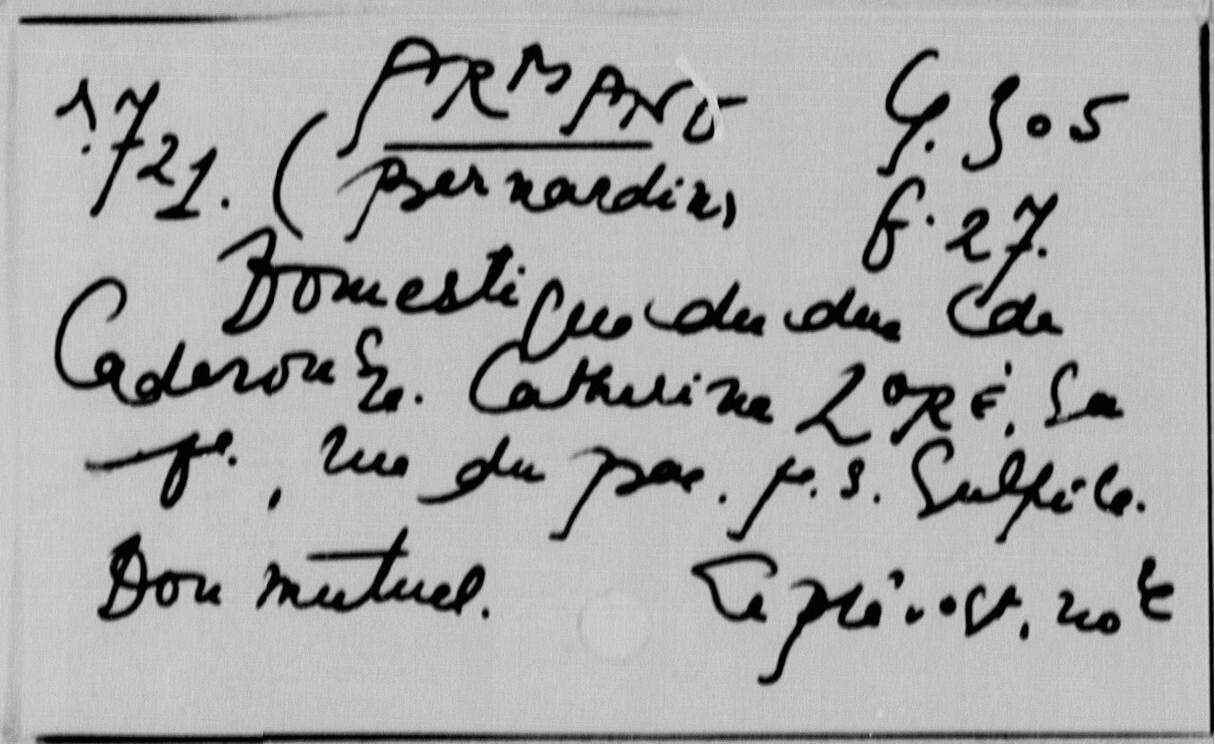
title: ARMAND (Bernardin)
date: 1721
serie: Y
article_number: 305
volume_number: folio 27
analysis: Domestique du duc de Caderousse. Catherine LORÉ, sa femme, rue du Bac, paroisse Saint Sulpice. Don mutuel. Le Prévost, notaire
